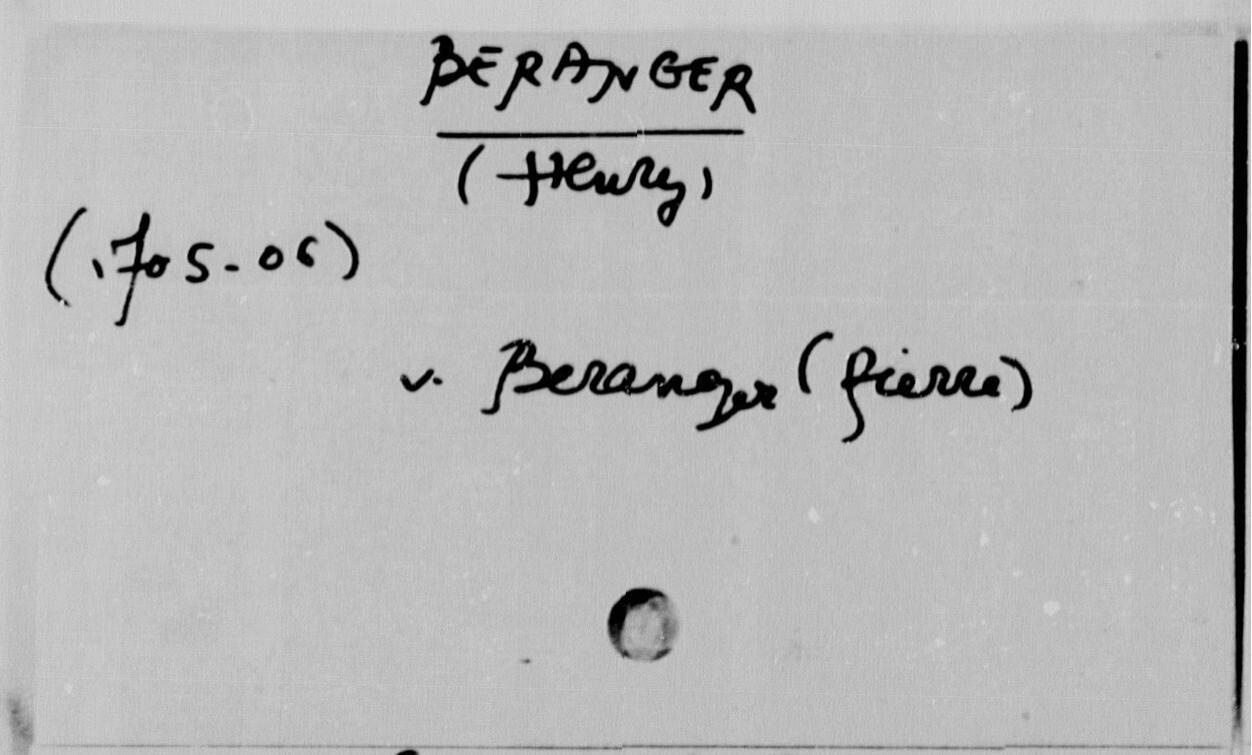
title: BERANGER (Henry)
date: (1705-1706)
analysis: Voir : BERANGER (Pierre)
